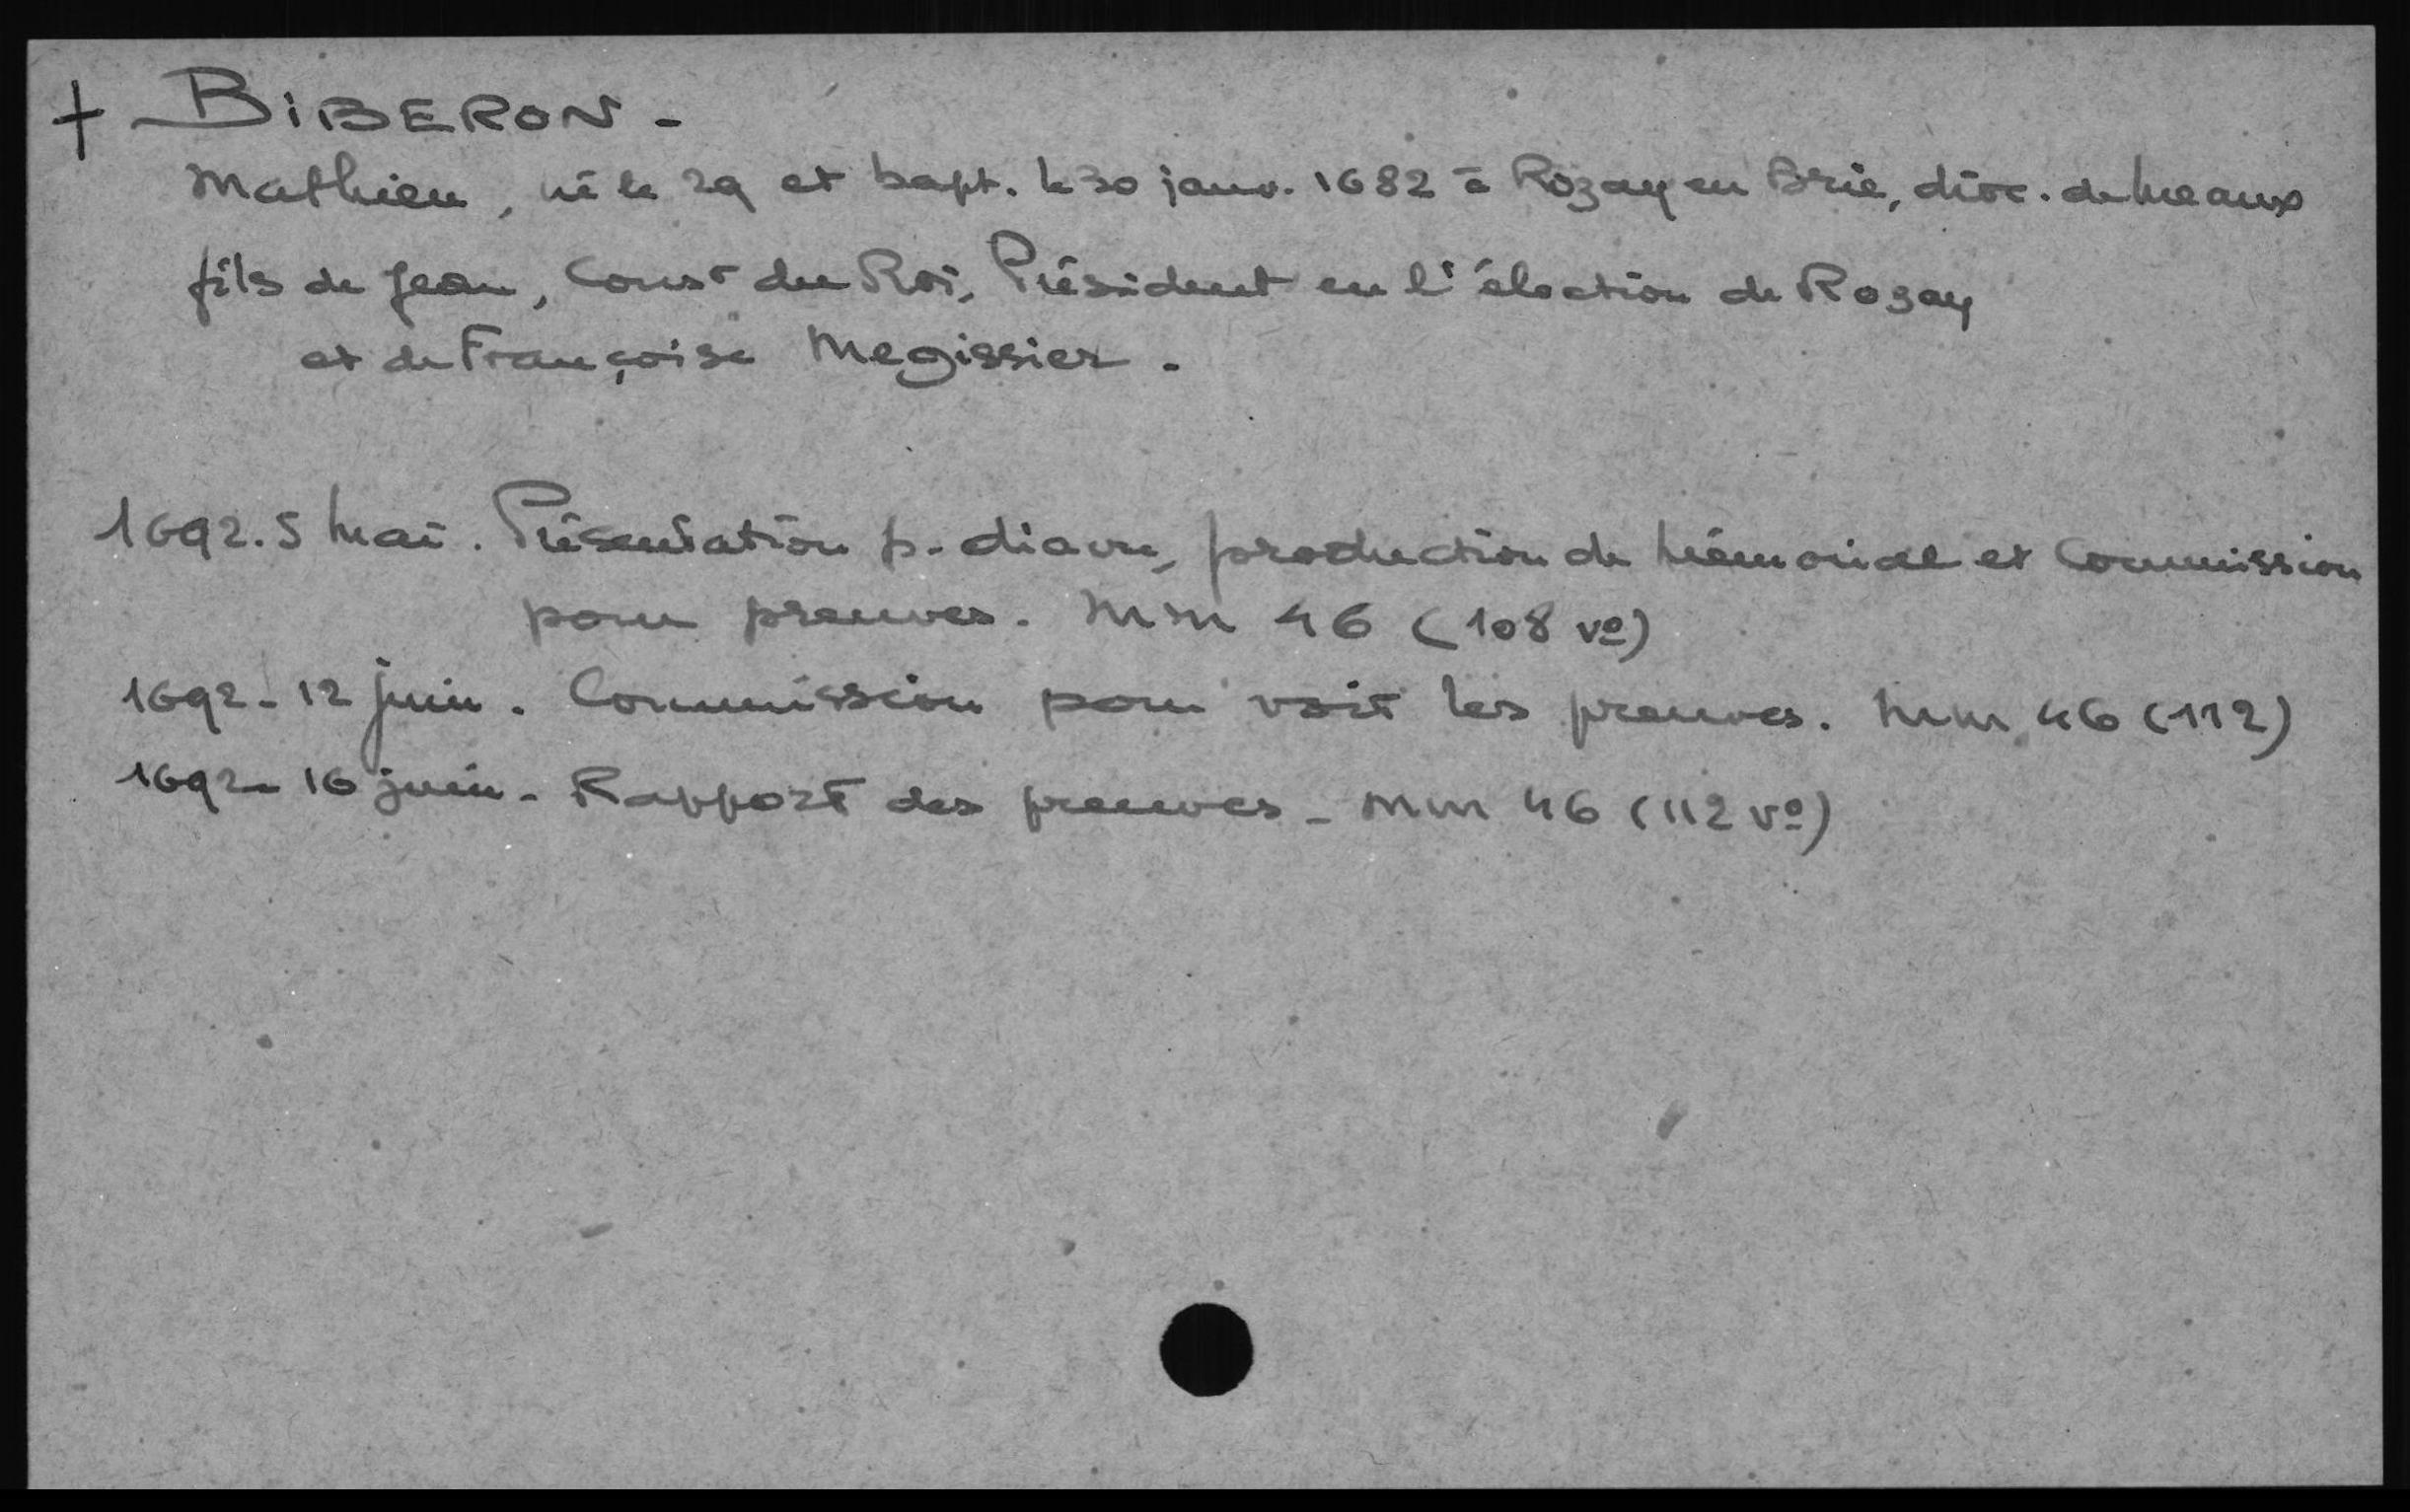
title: +BIBERON Mathieu, né le 29 et baptisé le 30 janvier 1682 à Rozay en Brie, diocèse de Meaux fils de Jean, conseiller du Roi, président en l'élection de Rozay et de Françoise Megissier
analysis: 1692, 5 mai. Présentation pour diacre, production de mémorial et commission pour preuves. MM 46 (108v) 1692, 12 juin.Commission pour voir les preuves. MM 46 (112) 1692, 16 juin. Rapport des preuces. MM 46 (112v)
